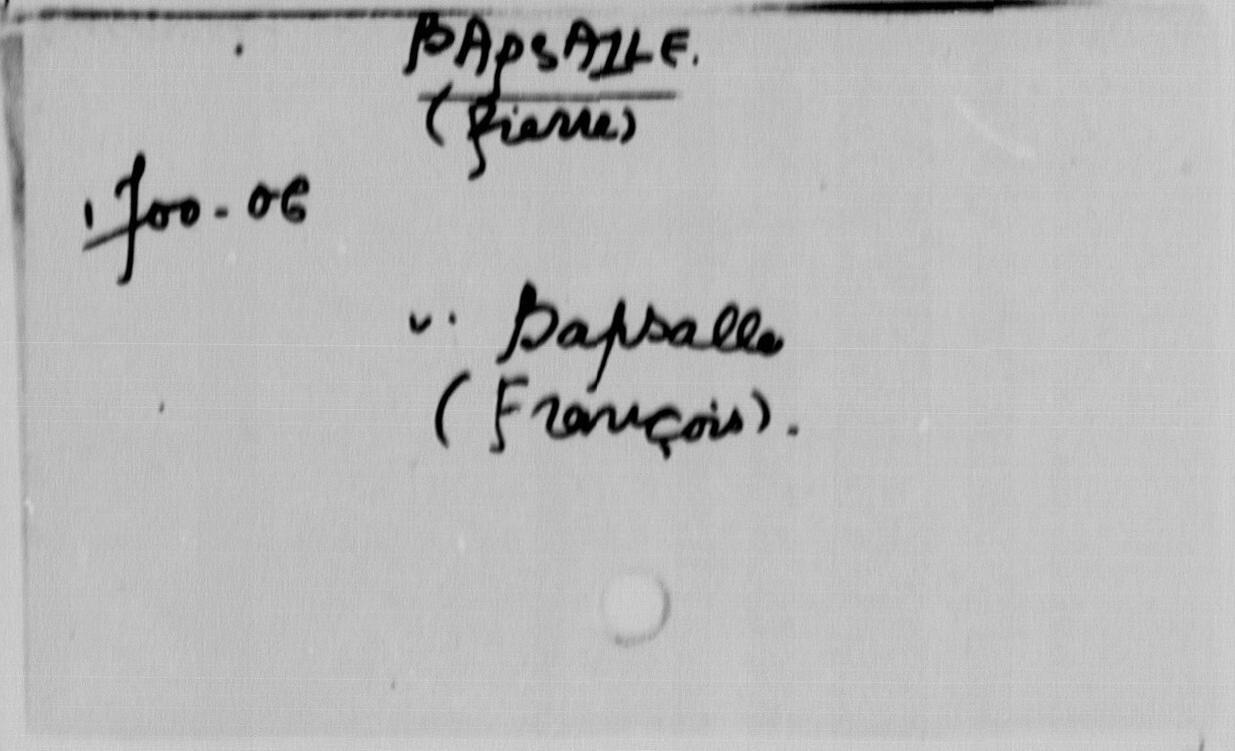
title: BAPSALLE (Pierre)
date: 1700-1706
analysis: Voir Bapsalle (François)
